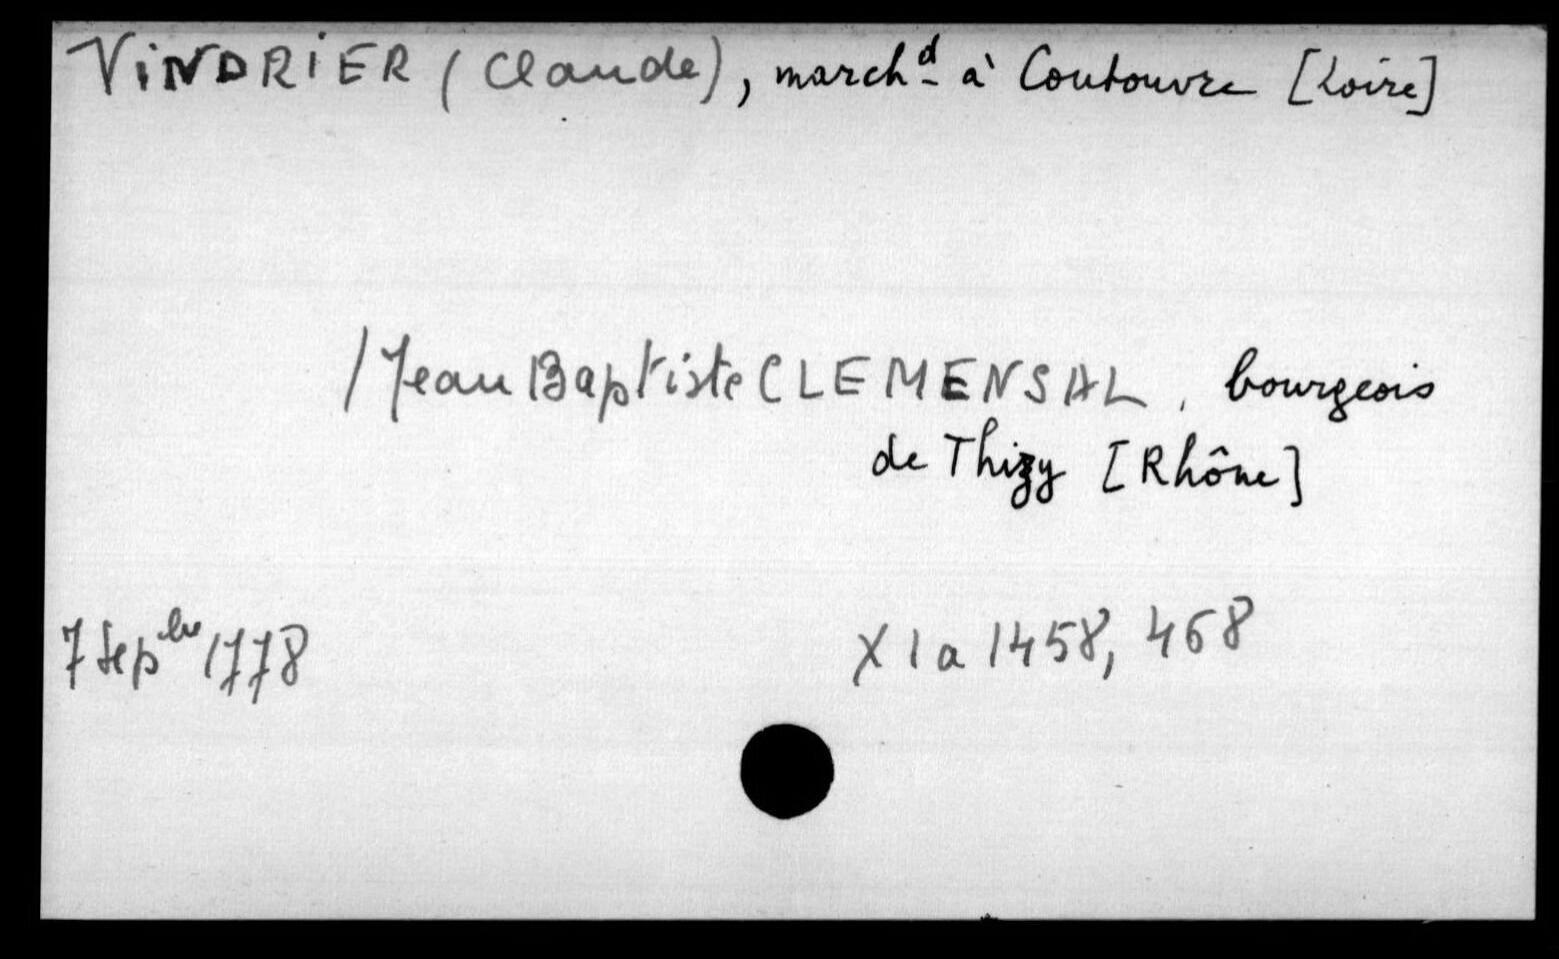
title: VINDRIER (Claude), marchand à Coutouvre [Loire]
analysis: Contre Jean-Baptiste CLEMENSAL, bourgeois de Thizy [Rhône]
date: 7 septembre 1778
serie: X1a
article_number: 1458
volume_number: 468
